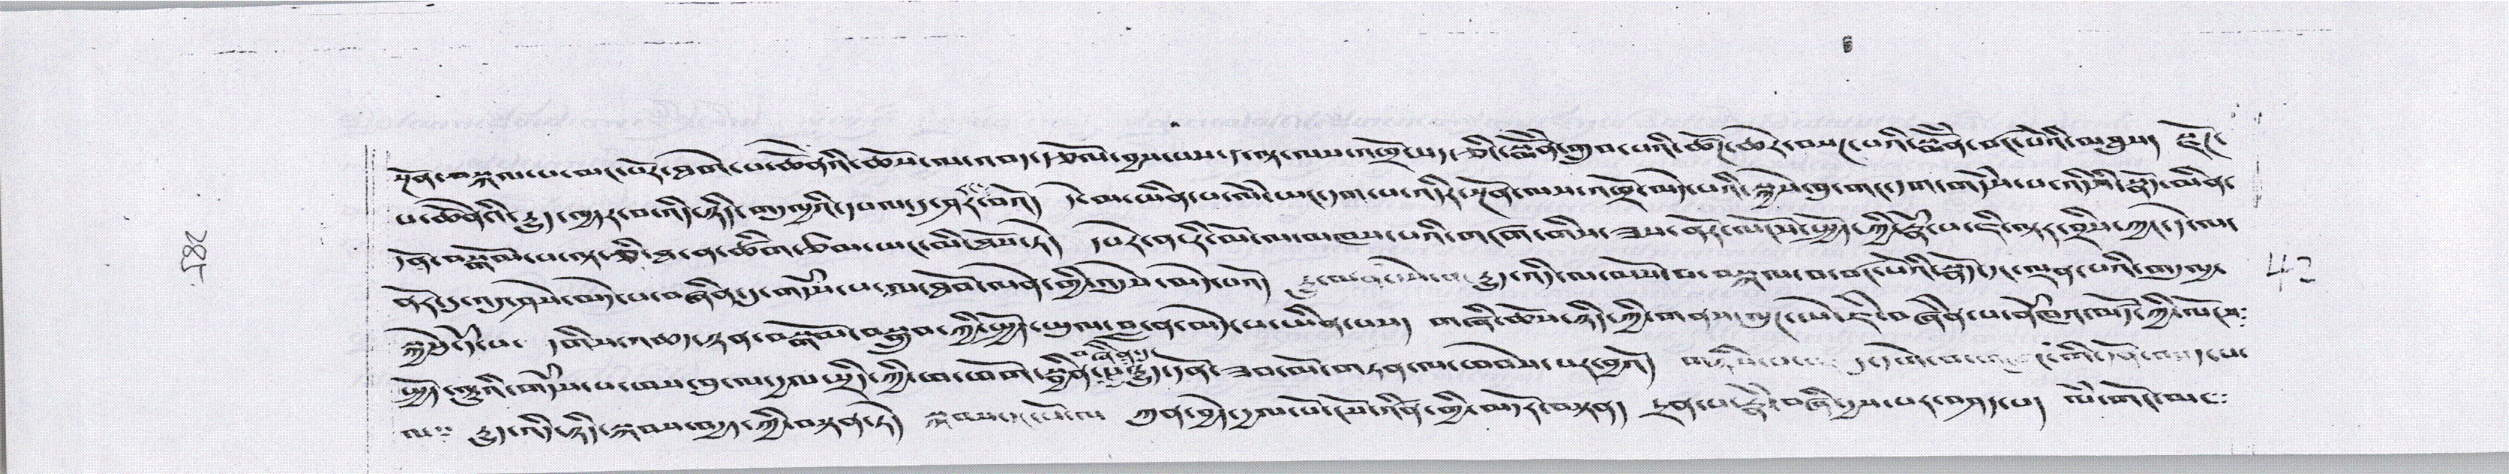སྔོན་བསྐལ་པ་མང་པོར་ཐེག་པ་ཆེན་པོའི་ཆོས་ལ་འབད་རྩོལ་བྱས་པས་ད་ལྟ་ལས་འཕྲོ་སད་ཅིང་སྨོན་ལམ་གྲུབ་པའི་ཚོགས་ཆེར་བསགས་པའི་སྨོན་ལམ་བཟང་པོའི་མཐུས། རྫོགས་
པ་ཆེན་པོའི་རྒྱུད་ཁྱད་པར་བ་འདི་ཉིད་གདུལ་བྱའི་དཔལ་དུ་ཤར་བའོ། དེ་མ་ཡིན་པ་ལམ་ཡང་དག་པ་འདིར་སྔོན་ལས་འཕྲོ་མེད་པའི་སྐྱེས་བུ་གང་དག་གདམས་པ་འདིའི་སྣོད་མིན་
དོན་བསྒོམ་པ་ལྟ་ཅི་ཐ་ན་ཚིག་ཙམ་ཡང་མི་ཐོས་ཏེ། དཔེར་ན་རི་མོ་ལ་མཁས་པའི་གང་ཟག་གིས་ཟས་ནོར་ལོངས་སྤྱོད་ཀྱི་རྣམ་པ་ཇི་ལྟར་བྲིས་ཀྱང་དེ་ལ་
ནོར་དུ་འདུ་ཤེས་མེད་པ་བཞིན་དུ་གདས་པ་ལ་ཐོབ་ལེན་གྱི་འདུས་མེད་པའོ། རྒྱུ་མན་ཡེ་བ་རྒྱུད་འདི་ལ་མོས་པ་བསྐལ་བ་བཟང་པོའི་སྣོད་དང་ལྡན་པའི་གདུལ་བྱ་
སྐྱེ་བུ་དམ་པ། དག་གིས་འཆད་ཉན་བསྒོམ་བསྒྲུབ་ཀྱི་སྤྱོད་ཡུལ་བླ་ན་མེད་པ་ཡིན་པས། གཞི་ཆོས་ཉིད་ཀྱི་གནས་ལུགས་ཡེ་ཇི་བཞིན་པ་ནམ་མཁའ་མཛོད་ཀྱི་ལོངས་
སྤྱོད་ལྟ་བུའི་གདམས་པ་ཕས་བུ་ལ་རྒྱལ་སྲིད་ཀྱི་ཕ་ཕོག་སྦྱིན་པ་བཞིན་དུ་རྒྱུད་དོན་ཟབ་མོ་གཏན་ལ་ཕེབས་པར་བྱའོ། གཉིས་པ་བར་དུ་དགེ་བ་གཞུང་གི་དོན་འབད་པ་
ལ། རྒྱུད་འདི་ཉིད་སྐབས་བརྒྱད་ཀྱི་བསྟན་ཏེ། སྐབས་དང་པོ་ལ། ཀུན་བྱེད་རྒྱལ་པོ་ངོས་འཛིན་གྱི་མདོར་བསྟན། དྲན་པ་རྣམ་བཞི་རྒྱས་པར་བཤད་པ། ལམ་གོང་མ་